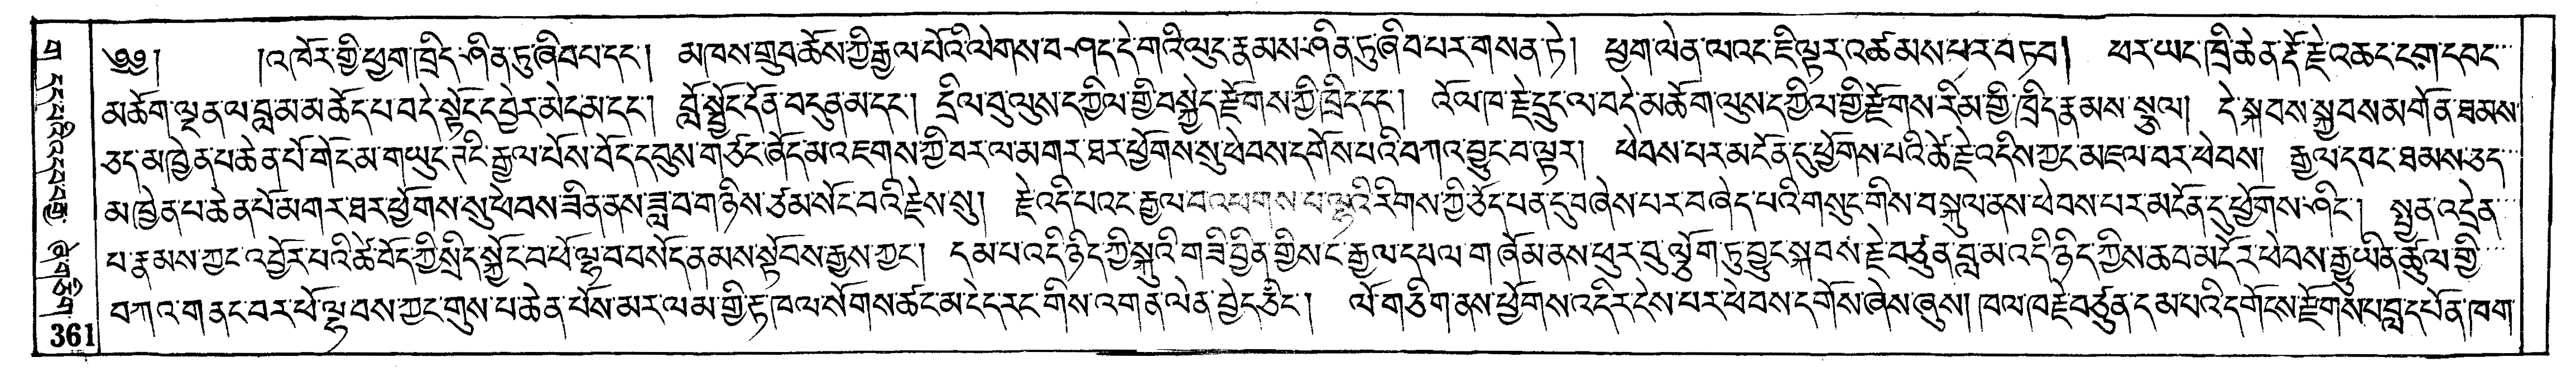༄༅། །འཁོར་གྱི་ཕྱག་ཁྲིད་ཤིན་ཏུ་ཞིབ་པ་དང་། མཁས་གྲུབ་ཆོས་ཀྱི་རྒྱལ་པོའི་ལེགས་བཤད་དེ་གའི་ལུང་རྣམས་ཤིན་ཏུ་ཞིབ་པར་གསན་ཏེ། ཕྱག་ལེན་ལའང་ཇི་ལྟར་འཚམས་པར་བཏབ། ཕར་ཡང་ཁྲི་ཆེན་རྡོ་རྗེ་འཆང་ངག་དབང་
མཆོག་ལྡན་ལ་བླ་མ་མཆོད་པ་བདེ་སྟོང་དབྱེར་མེད་མ་དང་། བློ་སྦྱོང་དོན་བདུན་མ་དང་། དྲིལ་བུ་ལུས་དཀྱིལ་གྱི་བསྐྱེད་རྫོགས་ཀྱི་ཁྲིད་དང་། འོལ་ཁ་རྗེ་དྲུང་ལ་བདེ་མཆོག་ལུས་དཀྱིལ་གྱི་རྫོགས་རིམ་གྱི་ཁྲིད་རྣམས་སྩལ། དེ་སྐབས་སྐྱབས་མགོན་ཐམས་
ཅད་མཁྱེན་པ་ཆེན་པོ་གོང་མ་གཡུང་ཊིང་རྒྱལ་པོས་བོད་དབུས་གཙང་ཞོད་མ་འཇགས་ཀྱི་བར་ལ་མགར་ཐར་ཕྱོགས་སུ་ཕེབས་དགོས་པའི་བཀའ་བྱུང་བ་ལྟར། ཕེབས་པར་མངོན་དུ་ཕྱོགས་པའི་ཚེ་རྗེ་འདིས་ཀྱང་མཇལ་བར་ཕེབས། རྒྱལ་དབང་ཐམས་ཅད་
མཁྱེན་པ་ཆེན་པོ་མགར་ཐར་ཕྱོགས་སུ་ཕེབས་ཟིན་ནས་ཟླ་བ་གཉིས་ཙམ་སོང་བའི་རྗེས་སུ། རྗེ་འདི་པའང་རྒྱལ་བ་འཕགས་པ་ལྷའི་རིགས་ཀྱི་ཅོད་པན་དུ་བཞེས་པར་བཞེད་པའི་གསུང་གིས་བསྐུལ་ནས་ཕེབས་པར་མངོན་དུ་ཕྱོགས་ཤིང་། སྤྱན་འདྲེན་
པ་རྣམས་ཀྱང་འབྱོར་པའི་ཚེ་བོད་ཀྱི་སྲིང་སྐྱོང་བ་ཕོ་ལྷ་བ་བསོད་ནམས་སྟོབས་རྒྱས་ཀྱང་། དམ་པ་འདི་ཉིད་ཀྱི་སྐུའི་གཟི་བྱིན་གྱིས་ང་རྒྱལ་དབལ་གཞོམ་ནས་ཕུར་བུ་ལྕོག་ཏུ་བྱུང་སྐབས་རྗེ་བཙུན་བླ་མ་འདི་ཉིད་ཀྱིས་ཆབ་མདོར་ཕེབས་རྒྱུ་ཡིན་ཚུལ་གྱི་
བཀའ་གནང་བར་ཕོ་ལྷ་བས་ཀྱང་གུས་པ་ཆེན་པོས་མར་ལམ་གྱི་རྟ་ཁལ་སོགས་ཚང་མ་ངེད་རང་གིས་འགན་ལེན་བྱེད་ཅིང་། ལོ་གཅིག་ནས་ཕྱོགས་འདིར་ངེས་བར་ཕེབས་དགོས་ཞེས་ཞུས། ཁལ་ཁ་རྗེ་བཙུན་དམ་པའི་དགོངས་རྫོགས་པ་བླ་དཔོན་ཁག།